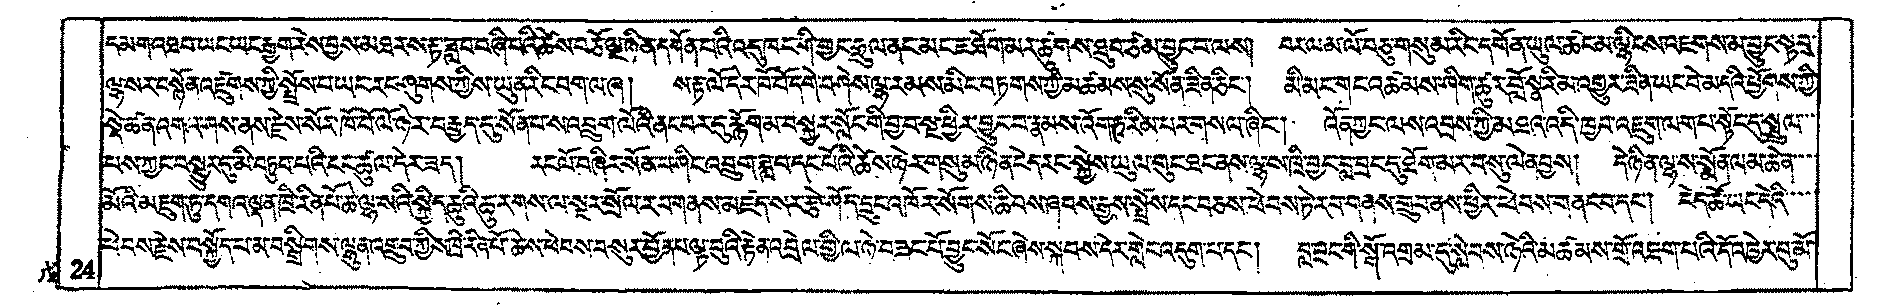དམག་འཐབ་ཡང་ཡང་རྒྱག་རེས་བྱས་མཐར་ས་རྟ་ཟླ་བ་བཞི་པའི་ཚེས་བཅོ་ལྔ་ཉིན་དགོན་པའི་འདུ་ཁང་གི་གྱང་ཧྲུལ་ནང་མང་ཇ་ཐོག་མར་ཚུགས་ཐུབ་ཙམ་བྱུང་བ་ལས། བར་ལམ་ལོ་བཅུ་གསུམ་རིང་དགོན་ཡུལ་ཚང་མ་ལྷིངས་འཇགས་མ་བྱུང་སྟབས་
ལྷ་སར་བསྙོན་འཛུགས་ཀྱི་སྤྲོས་པ་ཡང་རང་ཤུགས་ཀྱིས་ཡུན་རིང་བག་ལ་ཞ། ས་རྟ་ལོ་དེར་ཁོ་བོ་དགེ་བཤེས་ལྷ་རམས་མིང་བཏགས་ཀྱི་མཚམས་སུ་སོན་ཟིན་ཅིང་། མི་མང་གང་འཚམས་ཤིག་ཚུར་བློ་སྣ་རིམ་འགྱུར་ཟིན་ཡང་བེ་མདའི་ཕྱོགས་ཀྱི་
སྡེ་ཚན་འགའ་ཤས་ནས་རྗེས་སོར་ཁོ་བོ་ལོ་ཉེར་བརྒྱད་དུ་སོན་པ་ས་འབྲུག་ལོའི་ནང་བར་དུ་རྙོག་མ་བསྐྱར་སློང་གི་བྱ་བ་སྔ་ཕྱིར་བྱུང་བ་རྣམས་འོག་ཏུ་རིམ་པར་གསལ་ཞིང་། འོན་ཀྱང་ལས་འབྲས་ཀྱི་མཐའ་འདི་ཁྱབ་འཇུག་ལག་པ་སྟོང་དུ་སྤྲུལ་
པས་ཀྱང་བསྒྱུར་དུ་མི་བཏུབ་པའི་ངང་ཚུལ་དེར་ཟད། རང་ལོ་བཞིར་སོན་པ་ཤིང་འབྲུག་ཟླ་བ་དང་པོའི་ཚེས་ཉེར་གསུམ་ཉིན་ངེད་རང་སྐྱེས་ཡུལ་གུང་ཐང་ནས་ལྷ་ས་ཁྲི་བྱང་བླ་བྲང་དུ་ཐོག་མར་བསུ་ལེན་བྱས། དེ་ཉིན་ལྷ་ས་སྨོན་ལམ་ཆེན་
མོའི་མཇུག་ཏུ་དགའ་ལྡན་ཁྲི་རིན་པོ་ཆེ་ལྷ་སའི་སྐྱིད་ཆུའི་ཆུ་རགས་ལ་སྔར་སྲོལ་རབ་གནས་མཛད་སར་རྩེ་ཤོད་དྲུང་འཁོར་སོགས་ཆིབས་ཞབས་རྒྱས་སྤྲོས་དང་བཅས་ཕེབས་ཏེ་རབ་གནས་གྲུབ་ནས་ཕྱིར་ཕེབས་གནང་བ་དང་། ངེད་ཚོ་ཡང་དེའི་
ཕེབས་རྗེས་བསྐྱོད་པ་མ་བསྒྲིགས་ལྷུན་འགྲུབ་ཀྱིས་ཁྲི་རིན་པོ་ཆེས་ཕེབས་བསུར་བྱོན་པ་ལྟ་བུའི་རྟེན་འབྲེལ་གྱི་ལ་ཉེ་བཟང་པོ་བྱུང་སོང་ཞེས་སྐབས་དེར་གླེང་འདུག་པ་དང་། བླ་བྲང་གི་སྒོ་འགྲམ་དུ་སླེབས་ཉེའི་མཚམས་གྲོ་འཐག་པའི་དོ་འཁྱེར་བུ་མོ་